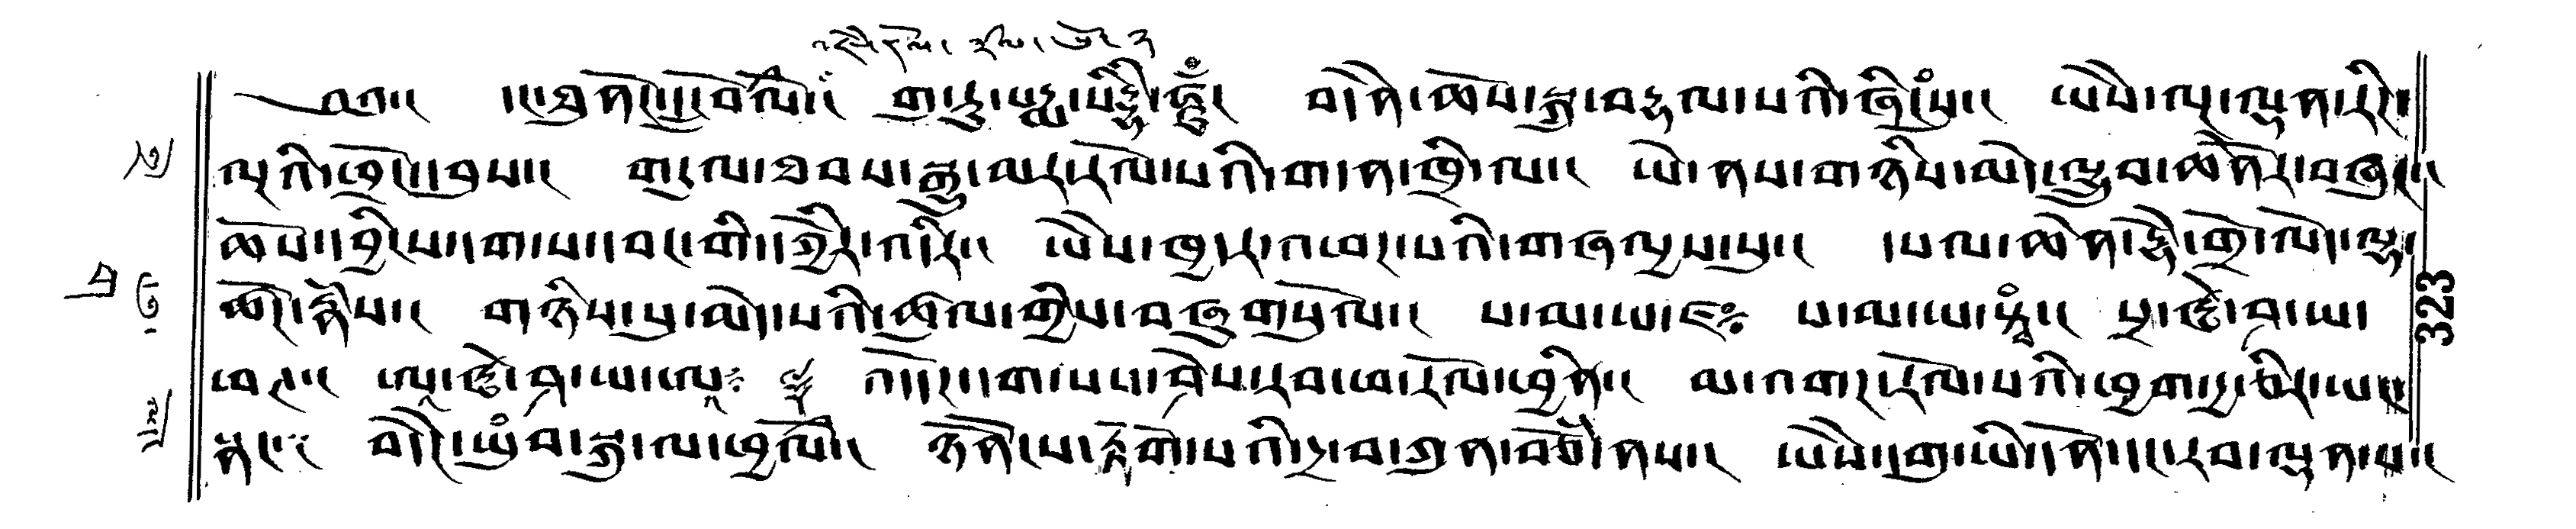དང་ཐུན་མོང་དངོས་གྲུབ་སྩོལ། གུ་རུ་པདྨ་སིདྷི་ཧཱུྂ། བདེ་ཆེན་ཆོས་སྐུ་བརྡལ་བའི་ཞིང་ཁམས་སུ། །ཡེ་ཤེས་ལྔ་ལྡན་རིགས་
ལྔའི་ཕོ་བྲང་དབུས། །གདུལ་ཐབས་སྒྱུ་མར་རོལ་པའི་གདན་ཁྲི་ལ། །ཡེ་ནས་གཉིས་མེད་ལྷུན་གྲུབ་ཆེན་པོར་བཞུགས། །
ཆོས་དབྱིངས་དག་པ་དབང་གི་དཀྱིལ་འཁོར་འདིར། །ཡེ་ཤེས་ཁྱད་པར་འཕགས་པའི་གཞལ་ཡས་སུ། །དཔལ་ཆེན་རྡོ་རྗེ་གྲོ་ལོད་ལྷ་
ཚོགས་རྣམས། །གཉིས་སུ་མེད་པའི་ཚུལ་གྱིས་བཞུགས་སུ་གསོལ། ས་མ་ཡ་ཛཿ ས་མ་ཡ་སྟྭཾ། པྲ་ཝེ་ཤ་ཡ་
ཕཊཿ ཨ་ཝེ་ཤ་ཡ་ཨཱཿ འདོད་ཆགས་དག་པ་ཤེས་རབ་ཕ་རོལ་ཕྱིན། །མ་འགགས་རོལ་པའི་ཕྱག་རྒྱ་ཅིར་ཡང་
སྣང་། །བདེ་གཤེགས་ཡབ་ཡུམ་སྐུ་ལ་ཕྱག་འཚལ་ལོ། །ཉོན་མོངས་རྟོག་པའི་དྲ་བ་ཀུན་བཅོམ་ནས། །ཡེ་ཤེས་དགུ་ཡི་དོན་དང་རབ་ལྡན་པ།